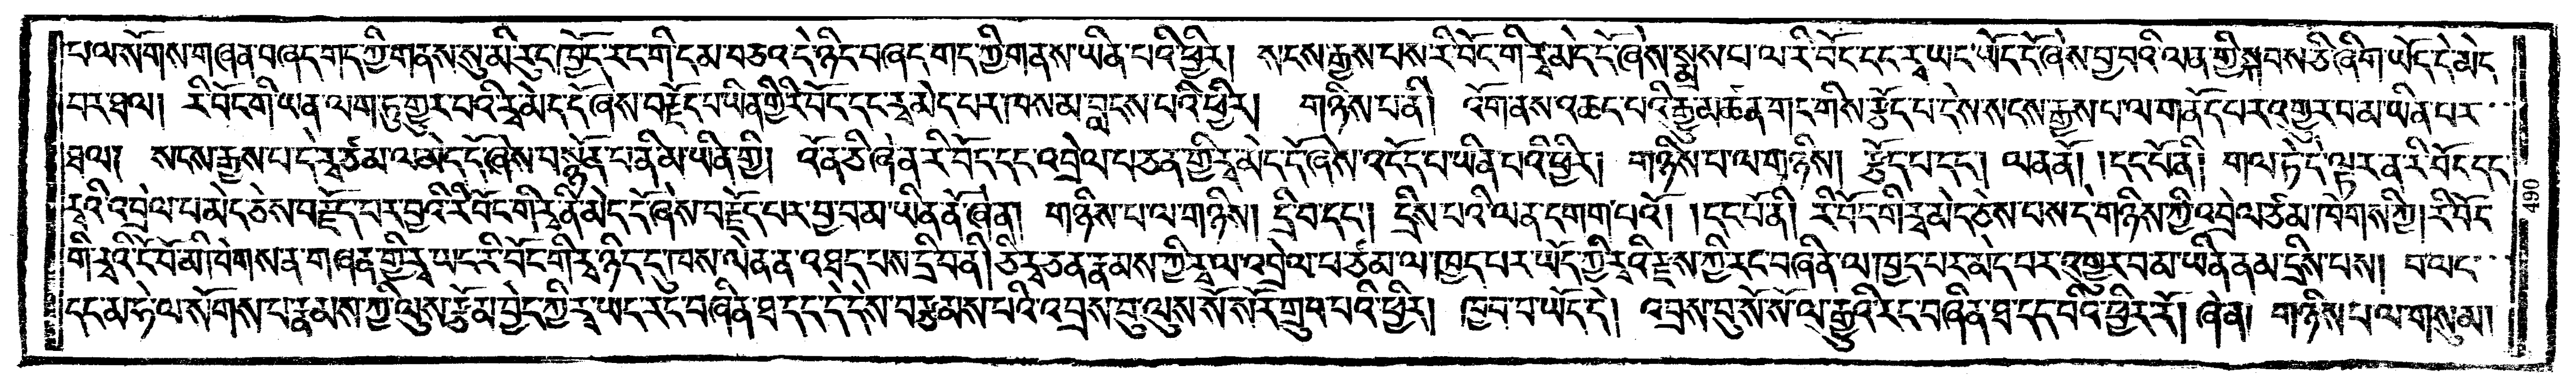པ་ལ་སོགས་གཞན་བཞད་གད་ཀྱི་གནས་སུ་མི་རུང་ཁྱོད་རང་གི་དམ་བཅའ་དེ་ཉིད་བཞད་གད་ཀྱི་གནས་ཡིན་པའི་ཕྱིར། སངས་རྒྱས་པས་རི་བོང་གི་རྭ་མེད་དོ་ཞེས་སྨྲས་པ་ལ་རི་བོང་དང་རྭ་ཡང་ཡོང་དོ་ཞེས་བྱ་བའི་ལན་གྱི་སྐབས་ཅི་ཞིག་ཡོད་དེ་མེད་
བར་ཐལ། རི་བོང་གི་ཡན་ལག་ཏུ་གྱུར་པའི་རྭ་མེད་དོ་ཞེས་བརྗོད་པ་ཡིན་གྱི་རི་བོང་དང་རྭ་མེད་པར་ཁས་མ་བླངས་པའི་ཕྱིར། གཉིས་པ་ནི། འོག་ནས་འཆང་བའི་རྒྱུ་མཚན་གང་གིས་རྩོད་པ་ངེས་སངས་རྒྱས་པ་ལ་གནོད་པར་འགྱུར་བ་མ་ཡིན་པར་
ཐལ༑ སངས་རྒྱས་པ་དེ་རྭ་ཙམ་ལ་མེད་དོ་ཞེས་བསྙོན་པ་ནི་མ་ཡིན་གྱི། འོན་ཅི་ཞེན་རི་བོང་དང་འབྲེལ་པ་ཅན་གྱི་རྭ་མེད་དོ་ཞེས་འདོད་པ་ཡིན་པའི་ཕྱིར། གཉིས་པ་ལ་གཉིས། རྩོད་པ་དང་། ལན་ནོ། །དང་པོ་ནི། གལ་ཏེ་དེ་ལྟར་ན་རི་བོང་དང་
རྭའི་འབྲེལ་པ་མེད་ཅེས་བརྗོད་པར་བྱའི་རི་བོང་གི་རྭ་ནི་མེད་དོ་ཞེས་བརྗོད་པར་བྱ་བ་མ་ཡིན་ནོ་ཞེན། གཉིས་པ་ལ་གཉིས། དྲི་བ་དང་། དྲིས་པའི་ལན་དགག་པའོ། །དང་པོ་ནི། རི་བོང་གི་རྭ་མེད་ཅེས་པས་དེ་གཉིས་ཀྱི་འབྲེལ་ཙམ་ཁེགས་ཀྱི། རི་བོང་
གི་རྭའི་ངོ་བོ་མི་ཁེགས་ན་གཞན་གྱི་རྭ་ཡང་རི་བོང་གི་རྭ་ཉིད་དུ་ཁས་ལེན་ན་འཐད་པས་དྲི་བ་ནི། ཅི་རྭ་ཅན་རྣམས་ཀྱི་རྭ་ལ་འབྲེལ་པ་ཙམ་ལ་ཁྱད་པར་ཡོད་ཀྱི་རྭའི་རྫས་ཀྱི་རང་བཞིན་ལ་ཁྱད་པར་མེད་པར་འགྱུར་བ་མ་ཡིན་ནམ་དྲིས་པས། བ་ལང་
དང་མ་ཧེ་ལ་སོགས་པ་རྣམས་ཀྱི་ལུས་རྩོམ་བྱེད་ཀྱི་རྭ་ཡང་རང་བཞིན་ཐ་དད་དེ་དེས་བརྩམས་པའི་འབྲས་བུ་ལུས་སོ་སོར་གྲུབ་པའི་ཕྱིར། ཁྱབ་བ་ཡོད་དེ། འབྲས་བུ་སོ་སོ་ལ་རྒྱུའི་རང་བཞིན་ཐ་དད་པའི་ཕྱིར་རོ། ཞེན། གཉིས་པ་ལ་གསུམ།